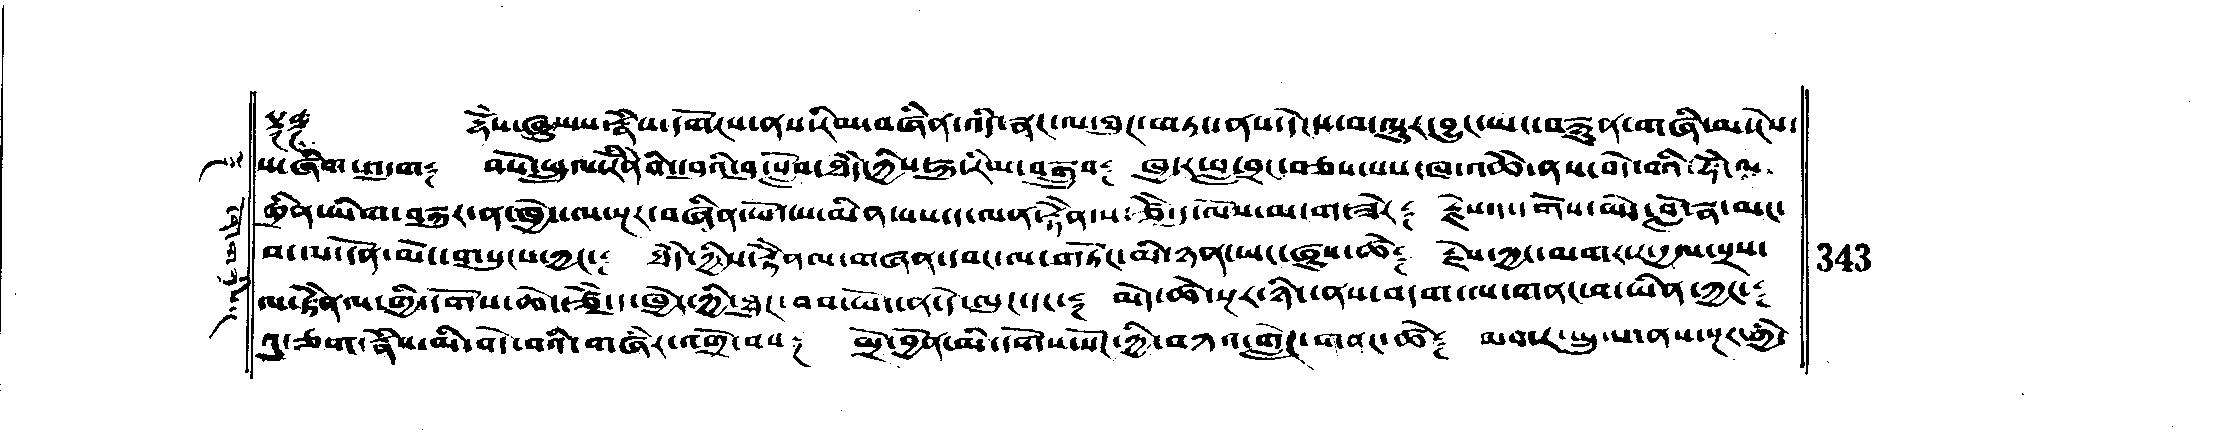རྡོ་རྗེས་ཞུས་པ་རྣམས་དགོངས་ནས་རིམ་བཞིན་འདི་སྣང་ལ་ཐུགས་གཏད་ནས་དེངས་བ་ལྟ་བུར་བྱུང་ཡང་བསྙུན་གཞི་མ་ངེས་
པ་ཞིག་འདུག བསོ་སྤྲུལ་རིན་པོ་ཆེའི་དབུས་བུ་སློབ་ཐམས་ཅད་ཀྱིས་སྐུ་རིམ་བསྒྲུབ། ཁྱད་པར་བླ་བྲང་བཅས་པས་ཁ་འཆམ་ནས་བདེ་བའི་རྡོ་རྗེ་ལ་
ཕྲིན་ཡིག་བསྐུར་ན་ཁྱེད་ལ་སྔར་བཞིན་ཡོད་པ་མིན་པས་ད་ལན་རྟེན་འབྲེལ་ཙམ་དུ་ལོས་མངག་ཟེར། རྗེས་ད་དགོས་མེད་བློ་སྣ་མང་
བ་ལ་དོན་མེད་གསུངས་ཀྱང། ཐམས་ཅད་ཀྱིས་རྟེན་འབྲེལ་གཞན་དབང་ལ་གཏོང་མི་ཉན་ཡང་ཡང་ཞུས་ཚེ། རྗེས་ཀྱང་མགར་ར་རྒྱལ་སྲས་
ལ་རྟེན་འབྲེལ་གྱི་དགོས་ཆེད་ཙམ་དུ་ཁྱེད་ཀྱི་ཐུགས་བབ་ཡོད་ན་དེ་ལུགས་དང་། མེད་ཚེ་སྔར་ཉིད་ནས་བདག་ལ་གནང་བ་ཡིན་ཀྱང་། 
འུ་ཅག་རྣམས་མི་བདེ་བའི་གཞིར་འགྲོ་བས། མཁའ་འགྲོ་བྱོན་མི་དགོས་སོགས་ཀྱི་བཀའ་གླེང་གནང་ཚེ། མགར་སྤྲུལ་ནས་སྔར་གྱི་